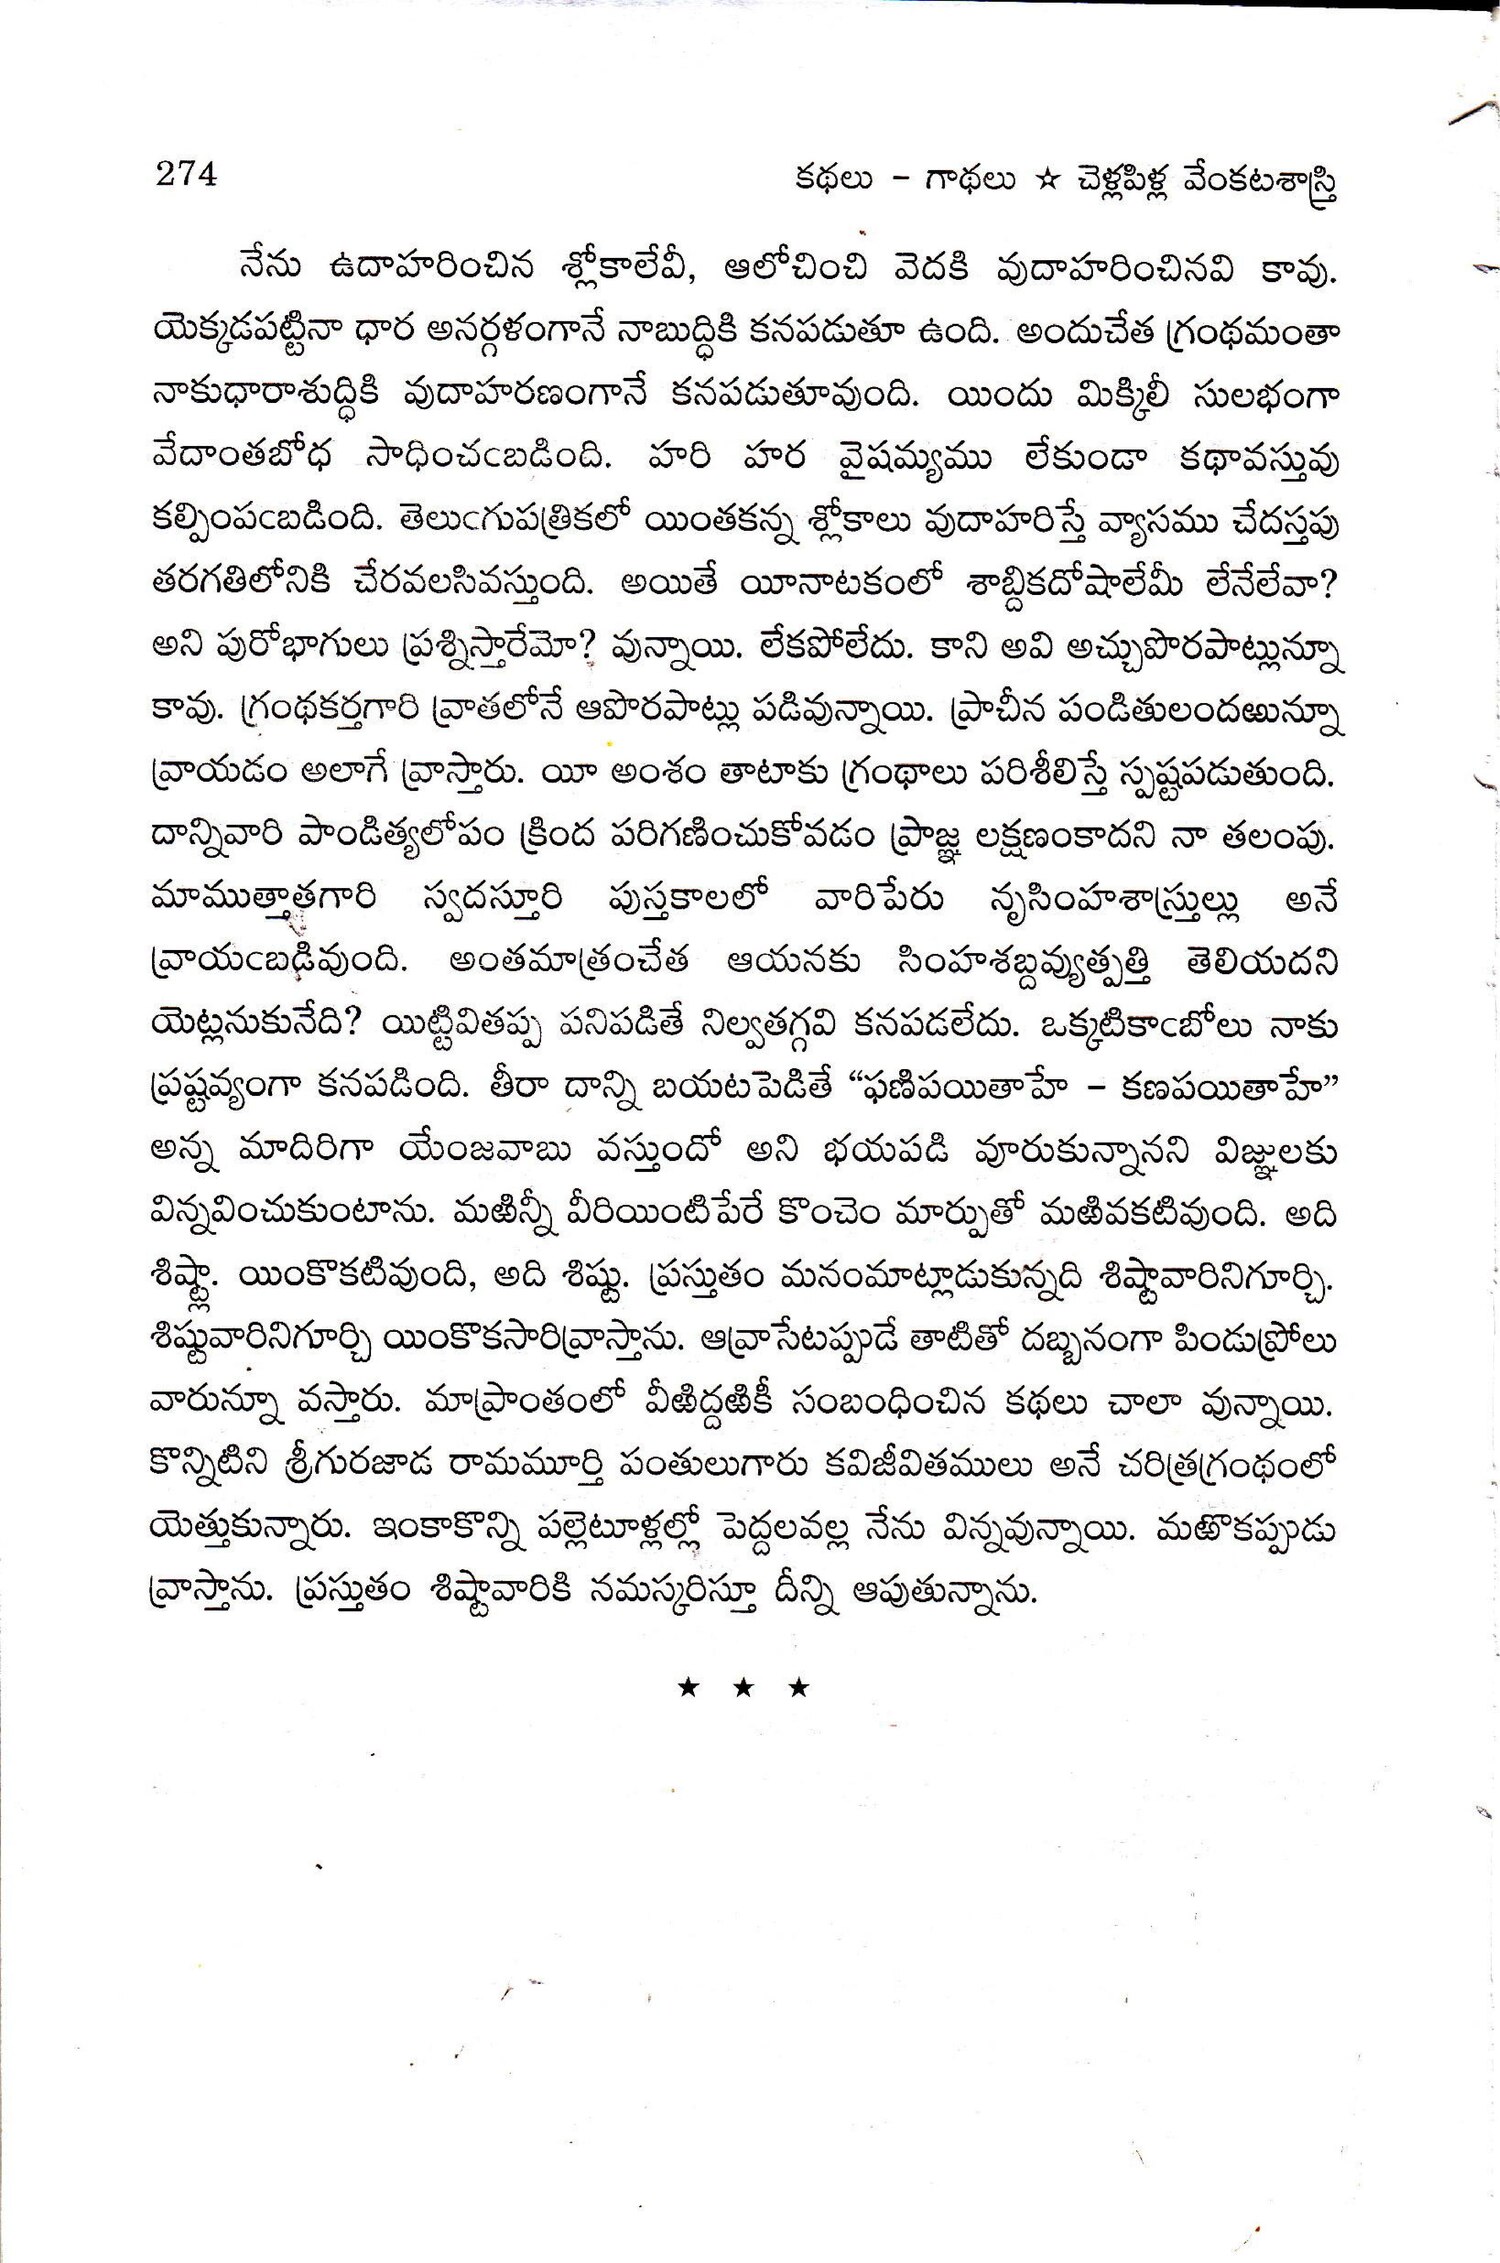నేను ఉదాహరించిన శ్లోకాలేవీ, ఆలోచించి వెదకి వుదాహరించినవి కావు. యెక్కడపట్టినా ధార అనర్గళంగానే నాబుద్ధికి కనపడుతూ ఉంది. అందుచేత గ్రంథమంతా నాకుధారాశుద్ధికి వుదాహరణంగానే కనపడుతూవుంది. యిందు మిక్కిలీ సులభంగా వేదాంతబోధ సాధించఁబడింది. హరి హర వైషమ్యము లేకుండా కథావస్తువు కల్పింపఁబడింది. తెలుఁగుపత్రికలో యింతకన్న శ్లోకాలు వుదాహరిస్తే వ్యాసము చేదస్తపు తరగతిలోనికి చేరవలసివస్తుంది. అయితే యీనాటకంలో శాబ్దికదోషాలేమీ లేనేలేవా? అని పురోభాగులు ప్రశ్నిస్తారేమో? వున్నాయి. లేకపోలేదు. కాని అవి అచ్చుపొరపాట్లున్నూ కావు. గ్రంథకర్తగారి వ్రాతలోనే ఆపొరపాట్లు పడివున్నాయి. ప్రాచీన పండితులందఱున్నూ వ్రాయడం అలాగే వ్రాస్తారు. యీ అంశం తాటాకు గ్రంథాలు పరిశీలిస్తే స్పష్టపడుతుంది. దాన్నివారి పాండిత్యలోపం క్రింద పరిగణించుకోవడం ప్రాజ్ఞ లక్షణంకాదని నా తలంపు. మాముత్తాతగారి స్వదస్తూరి పుస్తకాలలో వారి పేరు నృసింహశాస్త్రుల్లు అనే వ్రాయఁబడివుంది. అంతమాత్రంచేత ఆయనకు సింహశబ్దవ్యుత్పత్తి తెలియదని యెట్లనుకునేది? యిట్టివితప్ప పనిపడితే నిల్వతగ్గవి కనపడలేదు. ఒక్కటికాఁబోలు నాకు ప్రష్టవ్యంగా కనపడింది. తీరా దాన్ని బయటపెడితే “ఫణిపయితాహే - కణపయితాహే" అన్న మాదిరిగా యేంజవాబు వస్తుందో అని భయపడి వూరుకున్నానని విజ్ఞులకు విన్నవించుకుంటాను. మఱిన్నీ వీరియింటిపేరే కొంచెం మార్పుతో మఱివకటివుంది. అది శిష్ట్లా, యింకొకటివుంది, అది శిష్టు, ప్రస్తుతం మనంమాట్లాడుకున్నది శిష్టావారినిగూర్చి శిష్టువారినిగూర్చి యింకొకసారి వ్రాస్తాను. ఆవ్రాసేటప్పడే తాటితో దబ్బనంగా పిండుప్రోలు వారున్నూ వస్తారు. మాప్రాంతంలో వీఱిద్దఱికీ సంబంధించిన కథలు చాలా వున్నాయి. కొన్నిటిని శ్రీగురజాడ రామమూర్తి పంతులుగారు కవిజీవితములు అనే చరిత్రగ్రంథంలో యెత్తుకున్నారు. ఇంకాకొన్ని పల్లెటూళ్లల్లో పెద్దలవల్ల నేను విన్నవున్నాయి. మఱొకప్పుడు వ్రాస్తాను. ప్రస్తుతం శిష్టావారికి నమస్కరిస్తూ దీన్ని ఆపుతున్నాను.